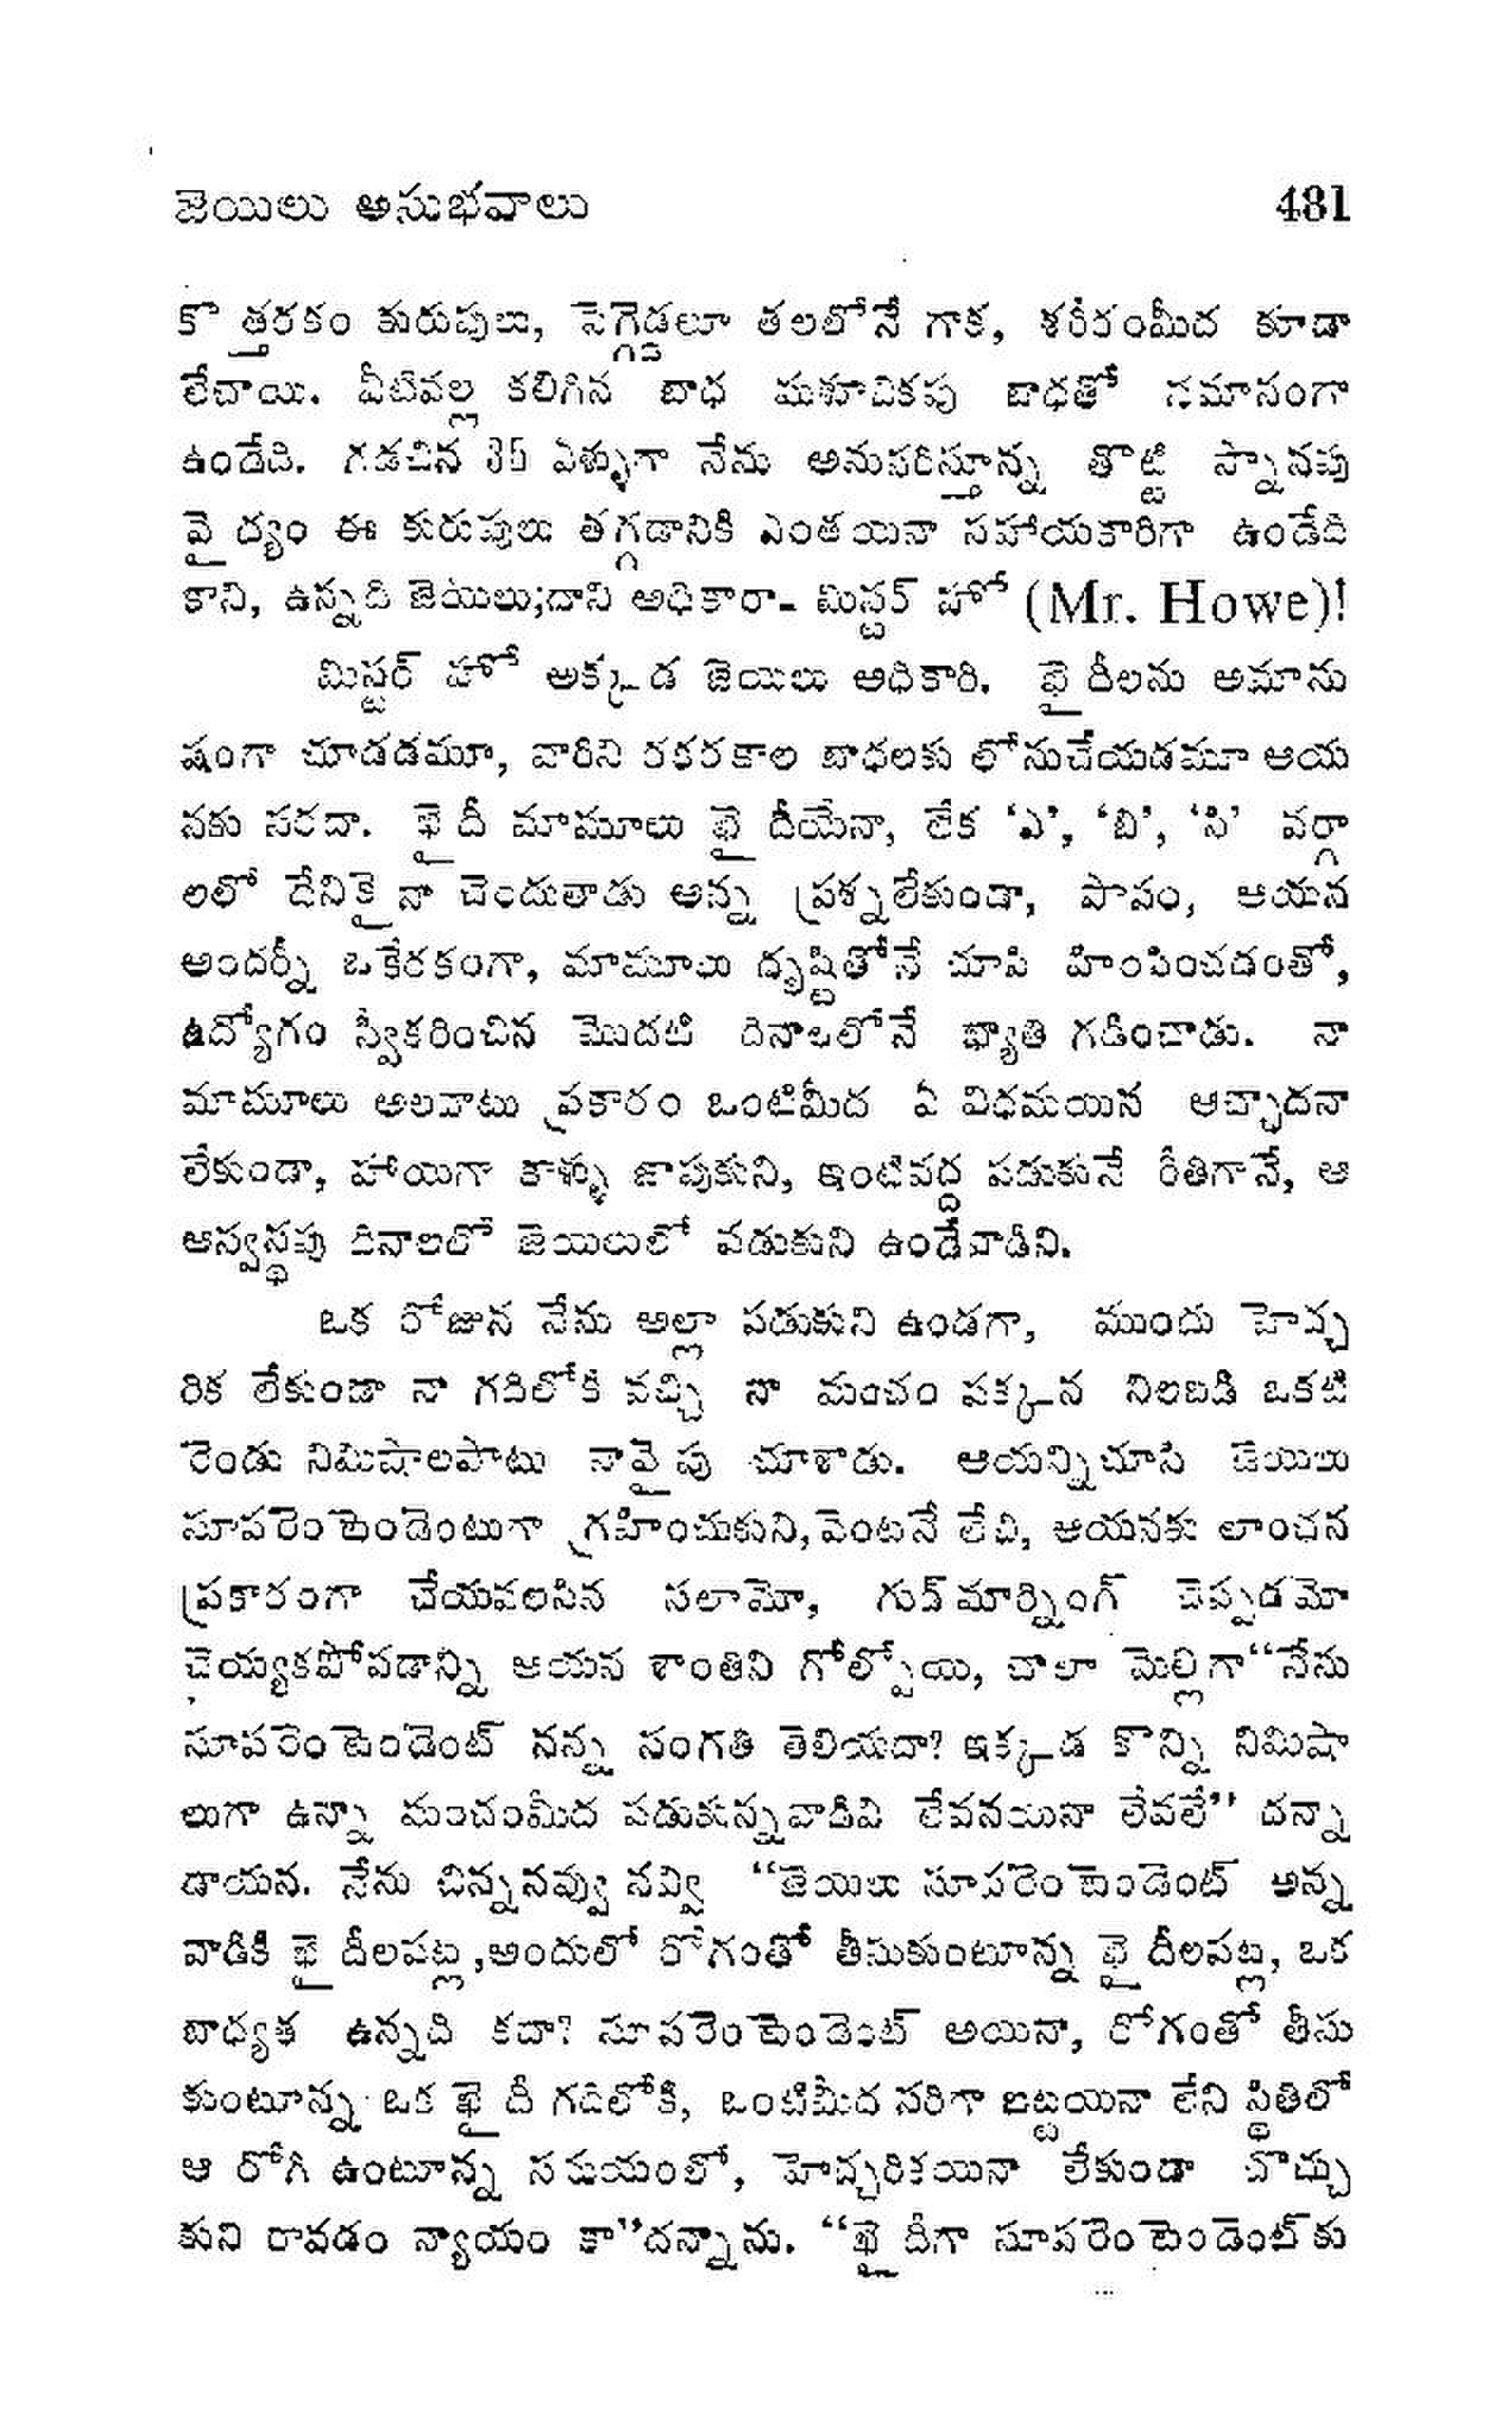కొత్తరకం కురుపులు, సెగ్గెడ్డలూ తలలోనే గాక, శరీరంమీద కూడా లేచాయి. వీటివల్ల కలిగిన బాధ మశూచికపు బాధతో సమానంగా ఉండేది. గడచిన 35 ఏళ్ళుగా నేను అనుసరిస్తూన్న తొట్టి స్నానపు వైద్యం ఈ కురుపులు తగ్గడానికి ఎంతయినా సహాయకారిగా ఉండేది కాని, ఉన్నది జెయిలు; దాని అధికారా - మిస్టర్ హో ( Mr. Howe) 

మిస్టర్ హో అక్కడ జెయిలు అధికారి. ఖైదీలను అమానుషంగా చూడడమూ, వారిని రకరకాల బాధలకు లోనుచేయడమూ ఆయనకు సరదా. ఖైదీ మామూలు ఖైదీయేనా, లేక 'ఎ', 'బి', 'సి' వర్గాలలో దేనికైనా చెందుతాడు అన్న ప్రశ్నలేకుండా, పాపం, ఆయన అందర్నీ ఒకేరకంగా, మామూలు దృష్టితోనే చూసి హింసించడంతో, ఉద్యోగం స్వీకరించిన మొదటి దినాలలోనే ఖ్యాతి గడించాడు. నా మామూలు అలవాటు ప్రకారం ఒంటిమీద ఏ విధమయిన ఆచ్ఛాదనా లేకుండా, హాయిగా కాళ్ళు జాపుకుని, ఇంటివద్ద పడుకునే రీతిగానే, ఆ అస్వస్థపు దినాలలో జెయిలులో పడుకుని ఉండేవాడిని.

ఒక రోజున నేను అల్లా పడుకుని ఉండగా, ముందు హెచ్చరిక లేకుండా నా గదిలోకి వచ్చి నా మంచం పక్కన నిలబడి ఒకటి రెండు నిమిషాలపాటు నావైపు చూశాడు. ఆయన్నిచూసి జెయిలు సూపరెంటెండెంటుగా గ్రహించుకుని, వెంటనే లేచి, ఆయనకు లాంచన ప్రకారంగా చేయవలసిన సలామో, గుడ్‌మార్నింగ్ చెప్పడమో చెయ్యకపోవడాన్ని ఆయన శాంతిని గోల్పోయి, చాలా మెల్లిగా "నేను సూపరెంటెండెంట్ నన్న సంగతి తెలియదా? ఇక్కడ కొన్ని నిమిషాలుగా ఉన్నా మంచంమీద పడుకున్నవాడివి లేవనయినా లేవలే" దన్నాడాయన. నేను చిన్ననవ్వునవ్వి "జెయిలు సూపరెంటెండెంట్ అన్నవాడికి ఖైదీలపట్ల, అందులో రోగంతో తీసుకుంటూన్న ఖైదీలపట్ల, ఒక బాధ్యత ఉన్నది కదా? సూపరెంటెండెంట్ అయినా, రోగంతో తీసుకుంటూన్న ఒక ఖైదీ గదిలోకి, ఒంటిమీద సరిగా బట్టయినా లేని స్థితిలో ఆ రోగి ఉంటూన్న సమయంలో, హెచ్చరికయినా లేకుండా చొచ్చుకుని రావడం న్యాయం కా"దన్నాను. "ఖైదీగా సూపరెంటెండెంట్‌కు